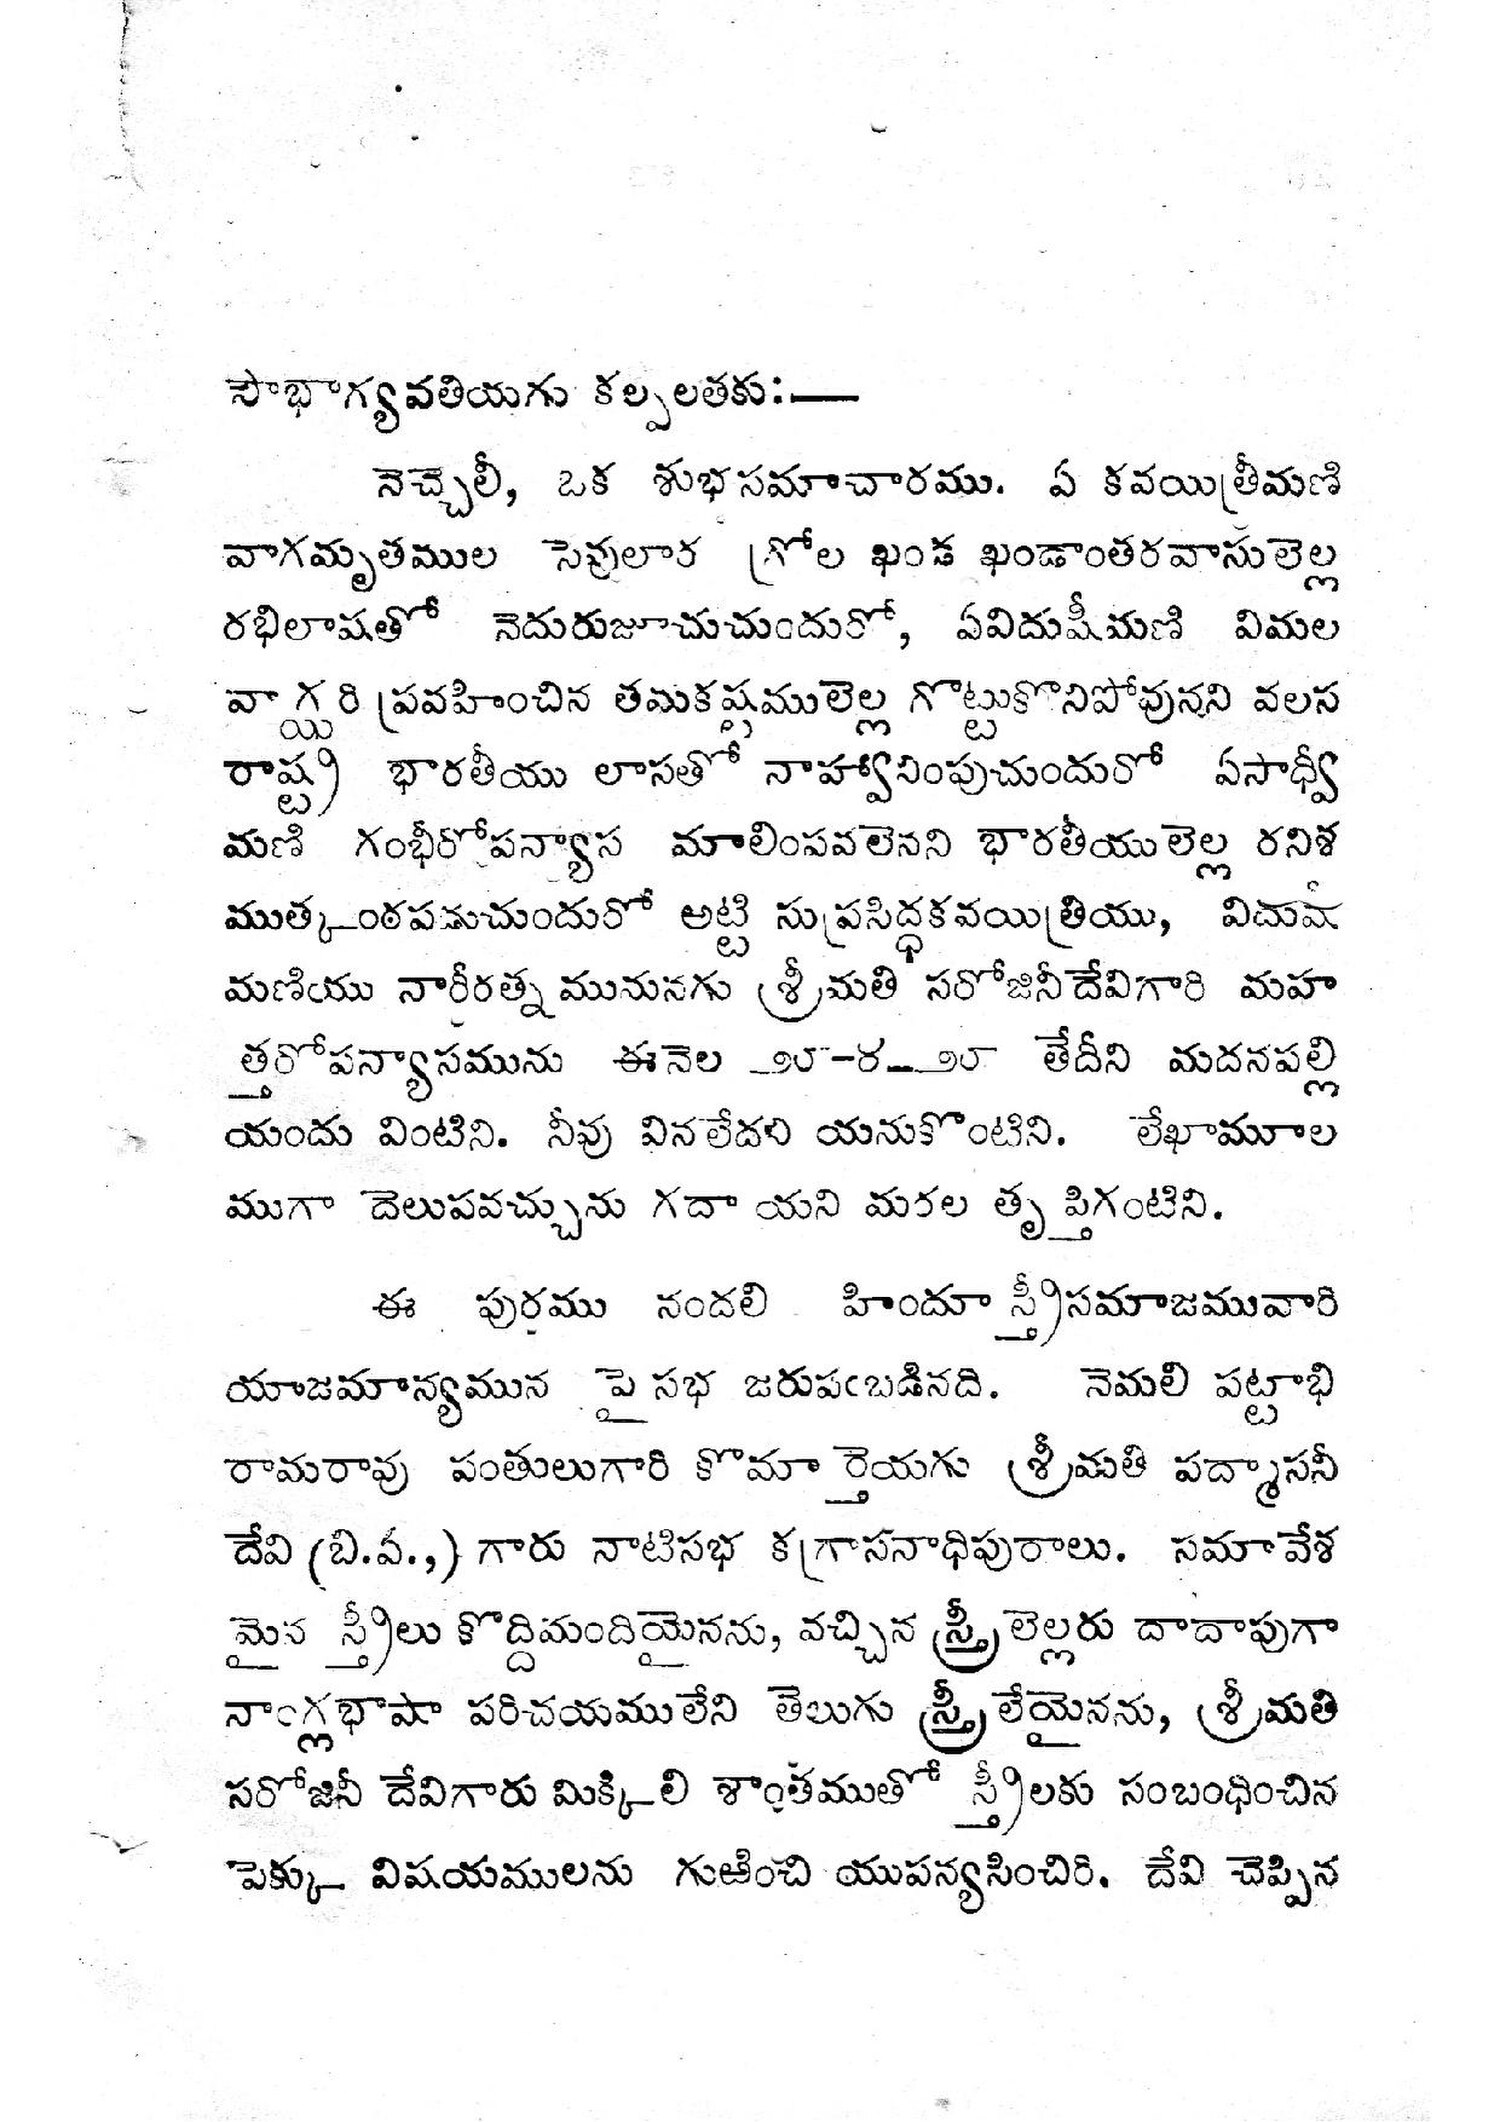సౌభాగ్యవతియగు కల్పలతకు :—

నెచ్చెలీ, ఒక శుభసమాచారము. ఏ కవయిత్రీమణి వాగమృతముల సెవులార గ్రోల ఖండ ఖండాంతర వాసులెల్ల రభిలాషతో నెదురుజూచుచుందురో, ఏవిదుషీమణి విమల వాగ్ఝరి ప్రవహించిన తమకష్టములెల్ల గొట్టుకొనిపోవునని వలస రాష్ట్ర భారతీయు లాసతో నాహ్వానింపుచుందురో ఏసాధ్వీమణి గంభీరోపన్యాస మాలింపవలెనని భారతీయులెల్ల రనిశ ముత్కంఠపడుచుందురో అట్టి సుప్రసిద్ధకవయిత్రియు, విదుష
మణియు నారీరత్నమునునగు శ్రీమతి సరోజినీదేవిగారి మహత్తరోపన్యాసమును ఈనెల 28 - 4 - 28 తేదీని మదనపల్లియందు వింటిని. నీవు వినలేదని యనుకొంటిని. లేఖామూలముగా దెలుపవచ్చును గదా యని మరల తృప్తిగంటిని.

ఈ పురము నందలి హిందూ స్త్రీసమాజమువారి యాజమాన్యమున పైసభ జరుపఁబడినది. నెమలి పట్టాభిరామరావు పంతులుగారి కొమార్తెయగు శ్రీమతి పద్మాసనీదేవి (బి.ఏ.,) గారు నాటిసభ కగ్రాసనాధిపురాలు. సమావేశమైన స్త్రీలు కొద్దిమందియైనను, వచ్చిన స్త్రీ లెల్లరు దాదాపుగా నాంగ్లభాషా పరిచయము లేని తెలుగు స్త్రీలేయైనను, శ్రీమతి సరోజినీ దేవిగారు మిక్కిలి శాంతముతో స్త్రీలకు సంబంధించిన పెక్కు విషయములను గుఱించి యుపన్యసించిరి. దేవి చెప్పిన